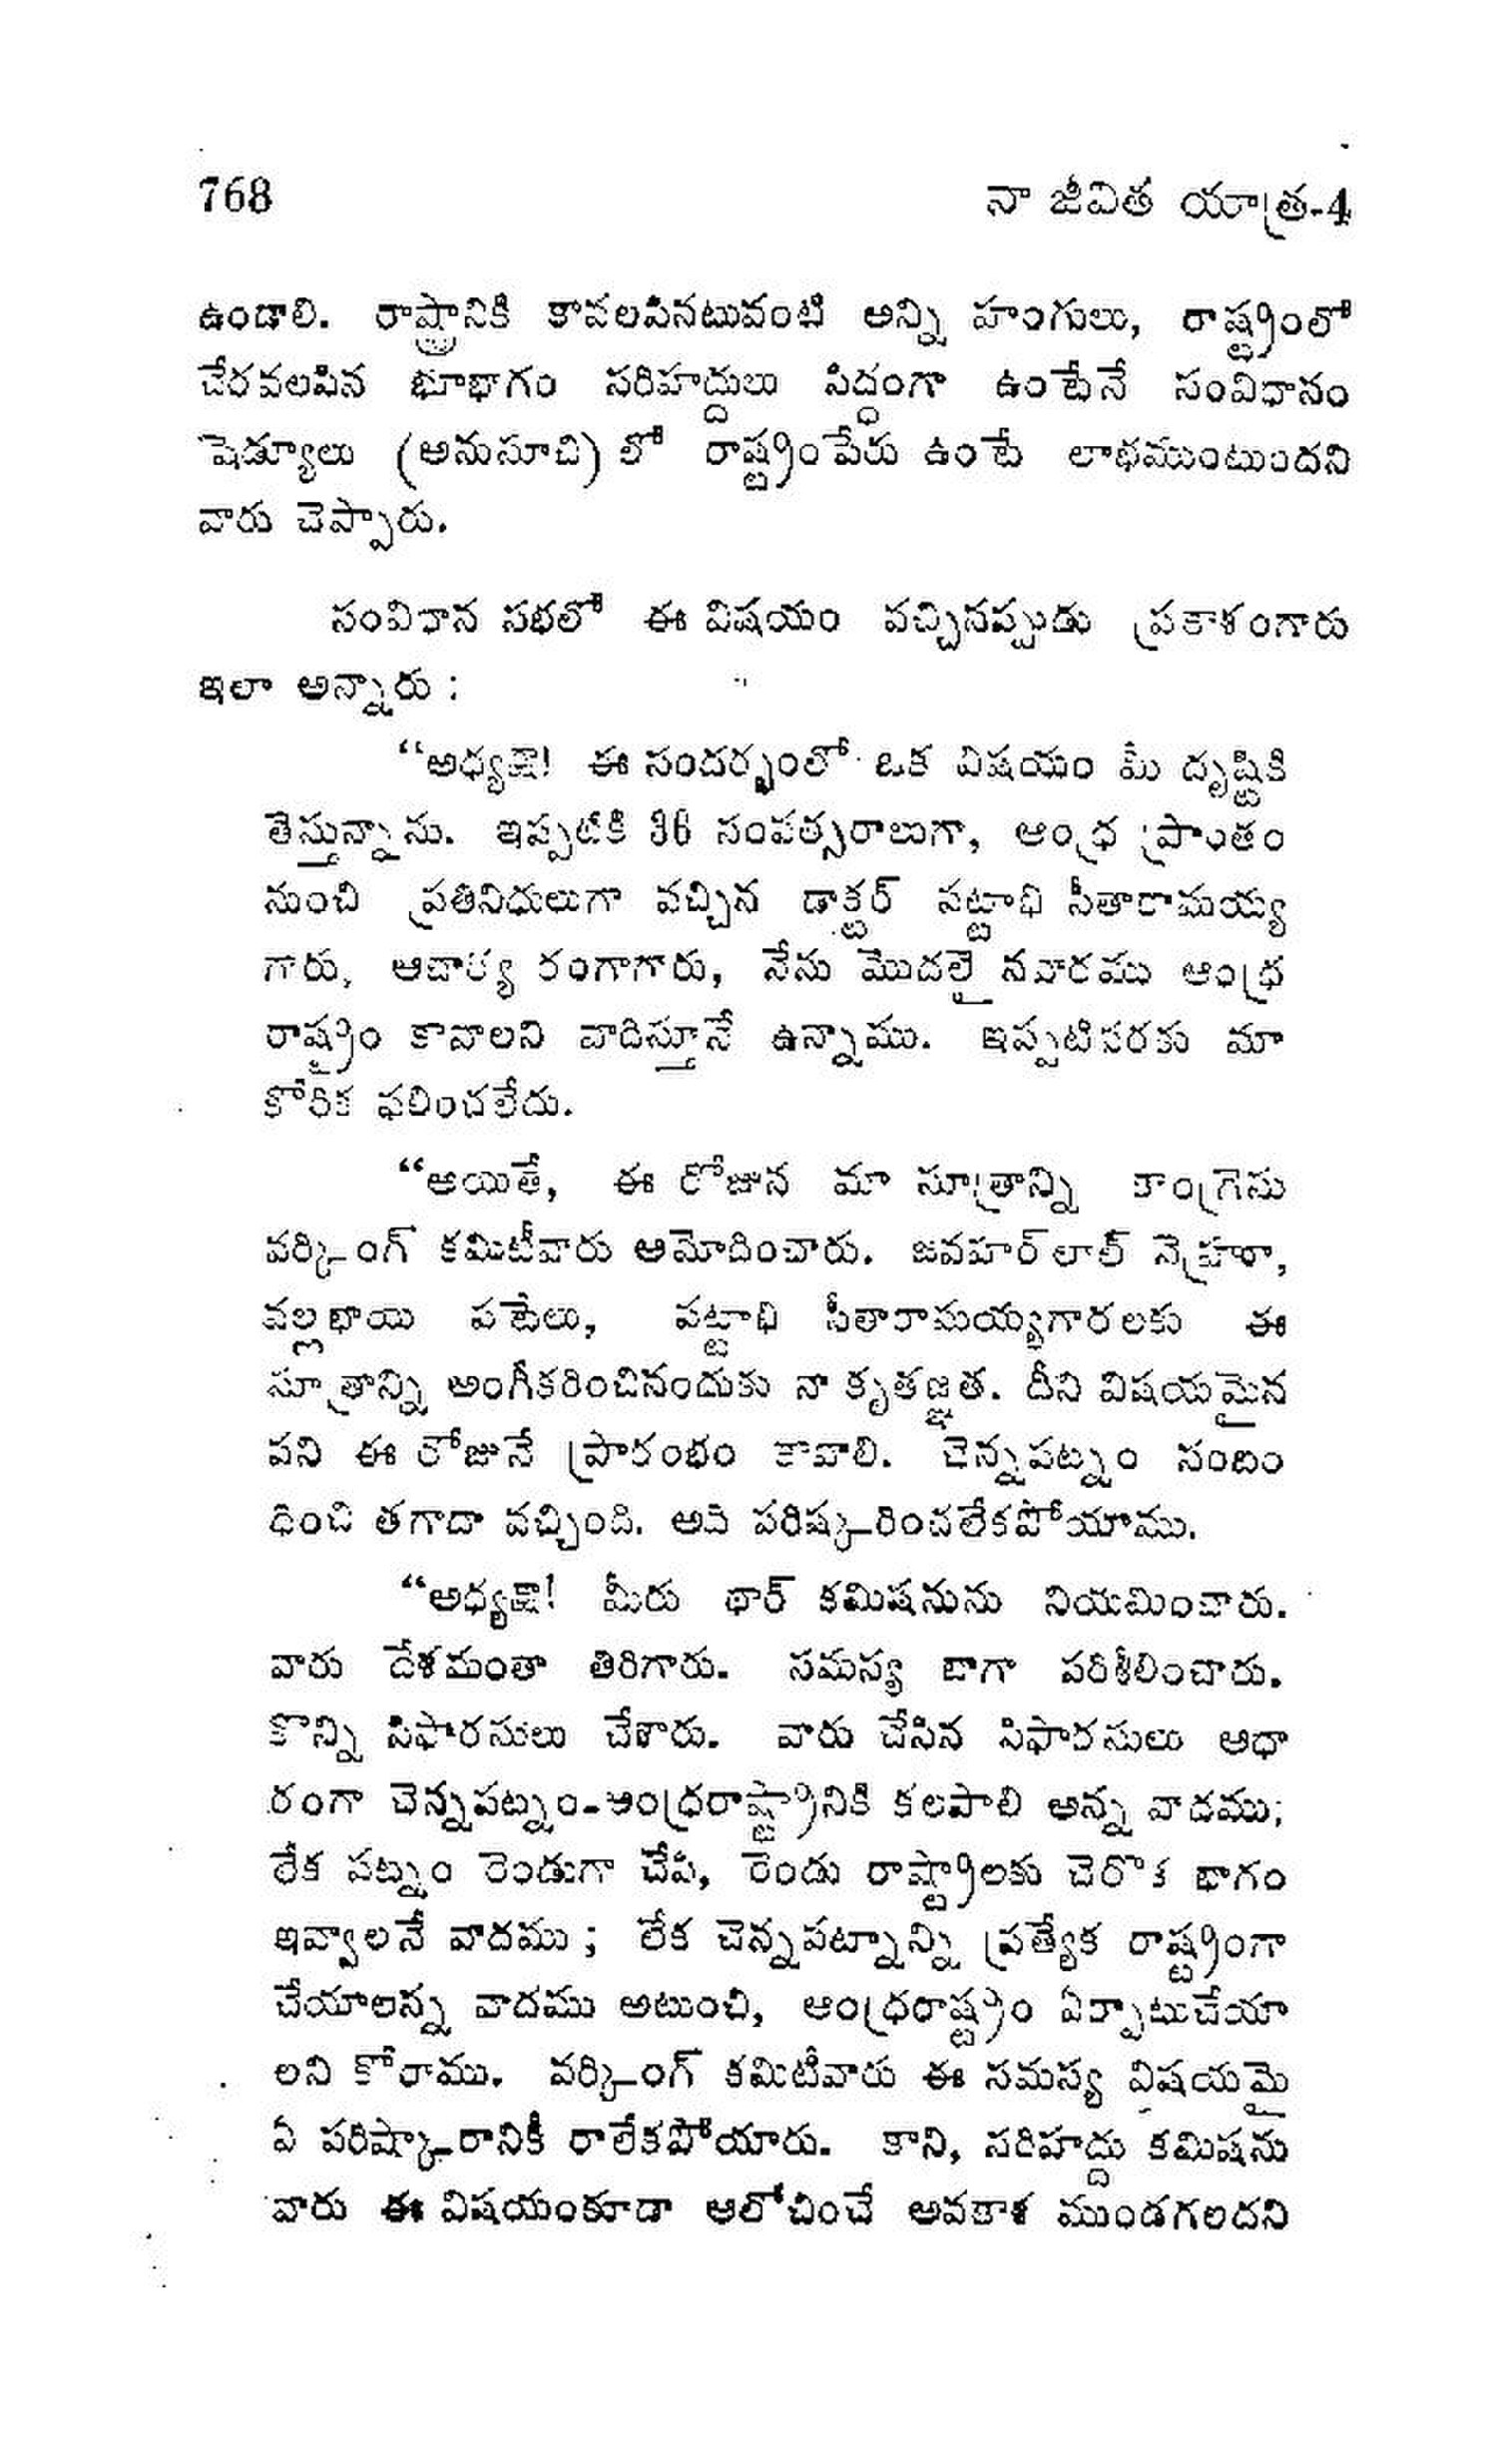ఉండాలి. రాష్ట్రానికి కావలసినటువంటి అన్ని హంగులు, రాష్ట్రంలో చేరవలసిన భూభాగం సరిహద్దులు సిద్ధంగా ఉంటేనే సంవిధానం షెడ్యూలు (అనుసూచి) లో రాష్ట్రంపేరు ఉంటే లాభముంటుందని వారు చెప్పారు.

సంవిధాన సభలో ఈ విషయం వచ్చినప్పుడు ప్రకాశంగారు ఇలా అన్నారు.

"అధ్యక్షా! ఈ సందర్భంలో ఒక విషయం మీ దృష్టికి తెస్తున్నాను. ఇప్పటికి 36 సంవత్సరాలుగా, ఆంధ్ర ప్రాంతం నుంచి ప్రతినిధులుగా వచ్చిన డాక్టర్ పట్టాభి సీతారామయ్యగారు, ఆచార్య రంగాగారు, నేను మొదలైనవారము ఆంధ్ర రాష్ట్రం కావాలని వాదిస్తూనే ఉన్నాము. ఇప్పటివరకు మా కోరిక ఫలించలేదు.

"అయితే, ఈ రోజున మా సూత్రాన్ని కాంగ్రెసు వర్కింగ్ కమిటీవారు ఆమోదించారు. జవహర్‌లాల్ నెహ్రూ, వల్లభాయి పటేలు, పట్టాభి సీతారామయ్యగారలకు ఈ సూత్రాన్ని అంగీకరించినందుకు నా కృతజ్ఞత. దీని విషయమైన పని ఈ రోజునే ప్రారంభం కావాలి. చెన్నపట్నం సంబంధించి తగాదా వచ్చింది. అది పరిష్కరించలేకపోయాము.

"అధ్యక్షా! మీరు థార్ కమిషనును నియమించారు. వారు దేశమంతా తిరిగారు. సమస్య బాగా పరిశీలించారు. కొన్ని సిఫారసులు చేశారు. వారు చేసిన సిఫారసులు ఆధారంగా చెన్నపట్నం - ఆంధ్రరాష్ట్రానికి కలపాలి అన్న వాదము, లేక పట్నం రెండుగా చేసి, రెండు రాష్ట్రాలకు చెరొక భాగం ఇవ్వాలనే వాదము; లేక చెన్నపట్నాన్ని ప్రత్యేక రాష్ట్రంగా చేయాలన్న వాదము అటుంచి, ఆంధ్రరాష్ట్రం ఏర్పాటుచేయాలని కోరాము. వర్కింగ్ కమిటీవారు ఈ సమస్య విషయమై ఏ పరిష్కారానికీ రాలేకపోయారు. కాని, సరిహద్దు కమిషను వారు ఈ విషయంకూడా ఆలోచించే అవకాశ ముండగలదని